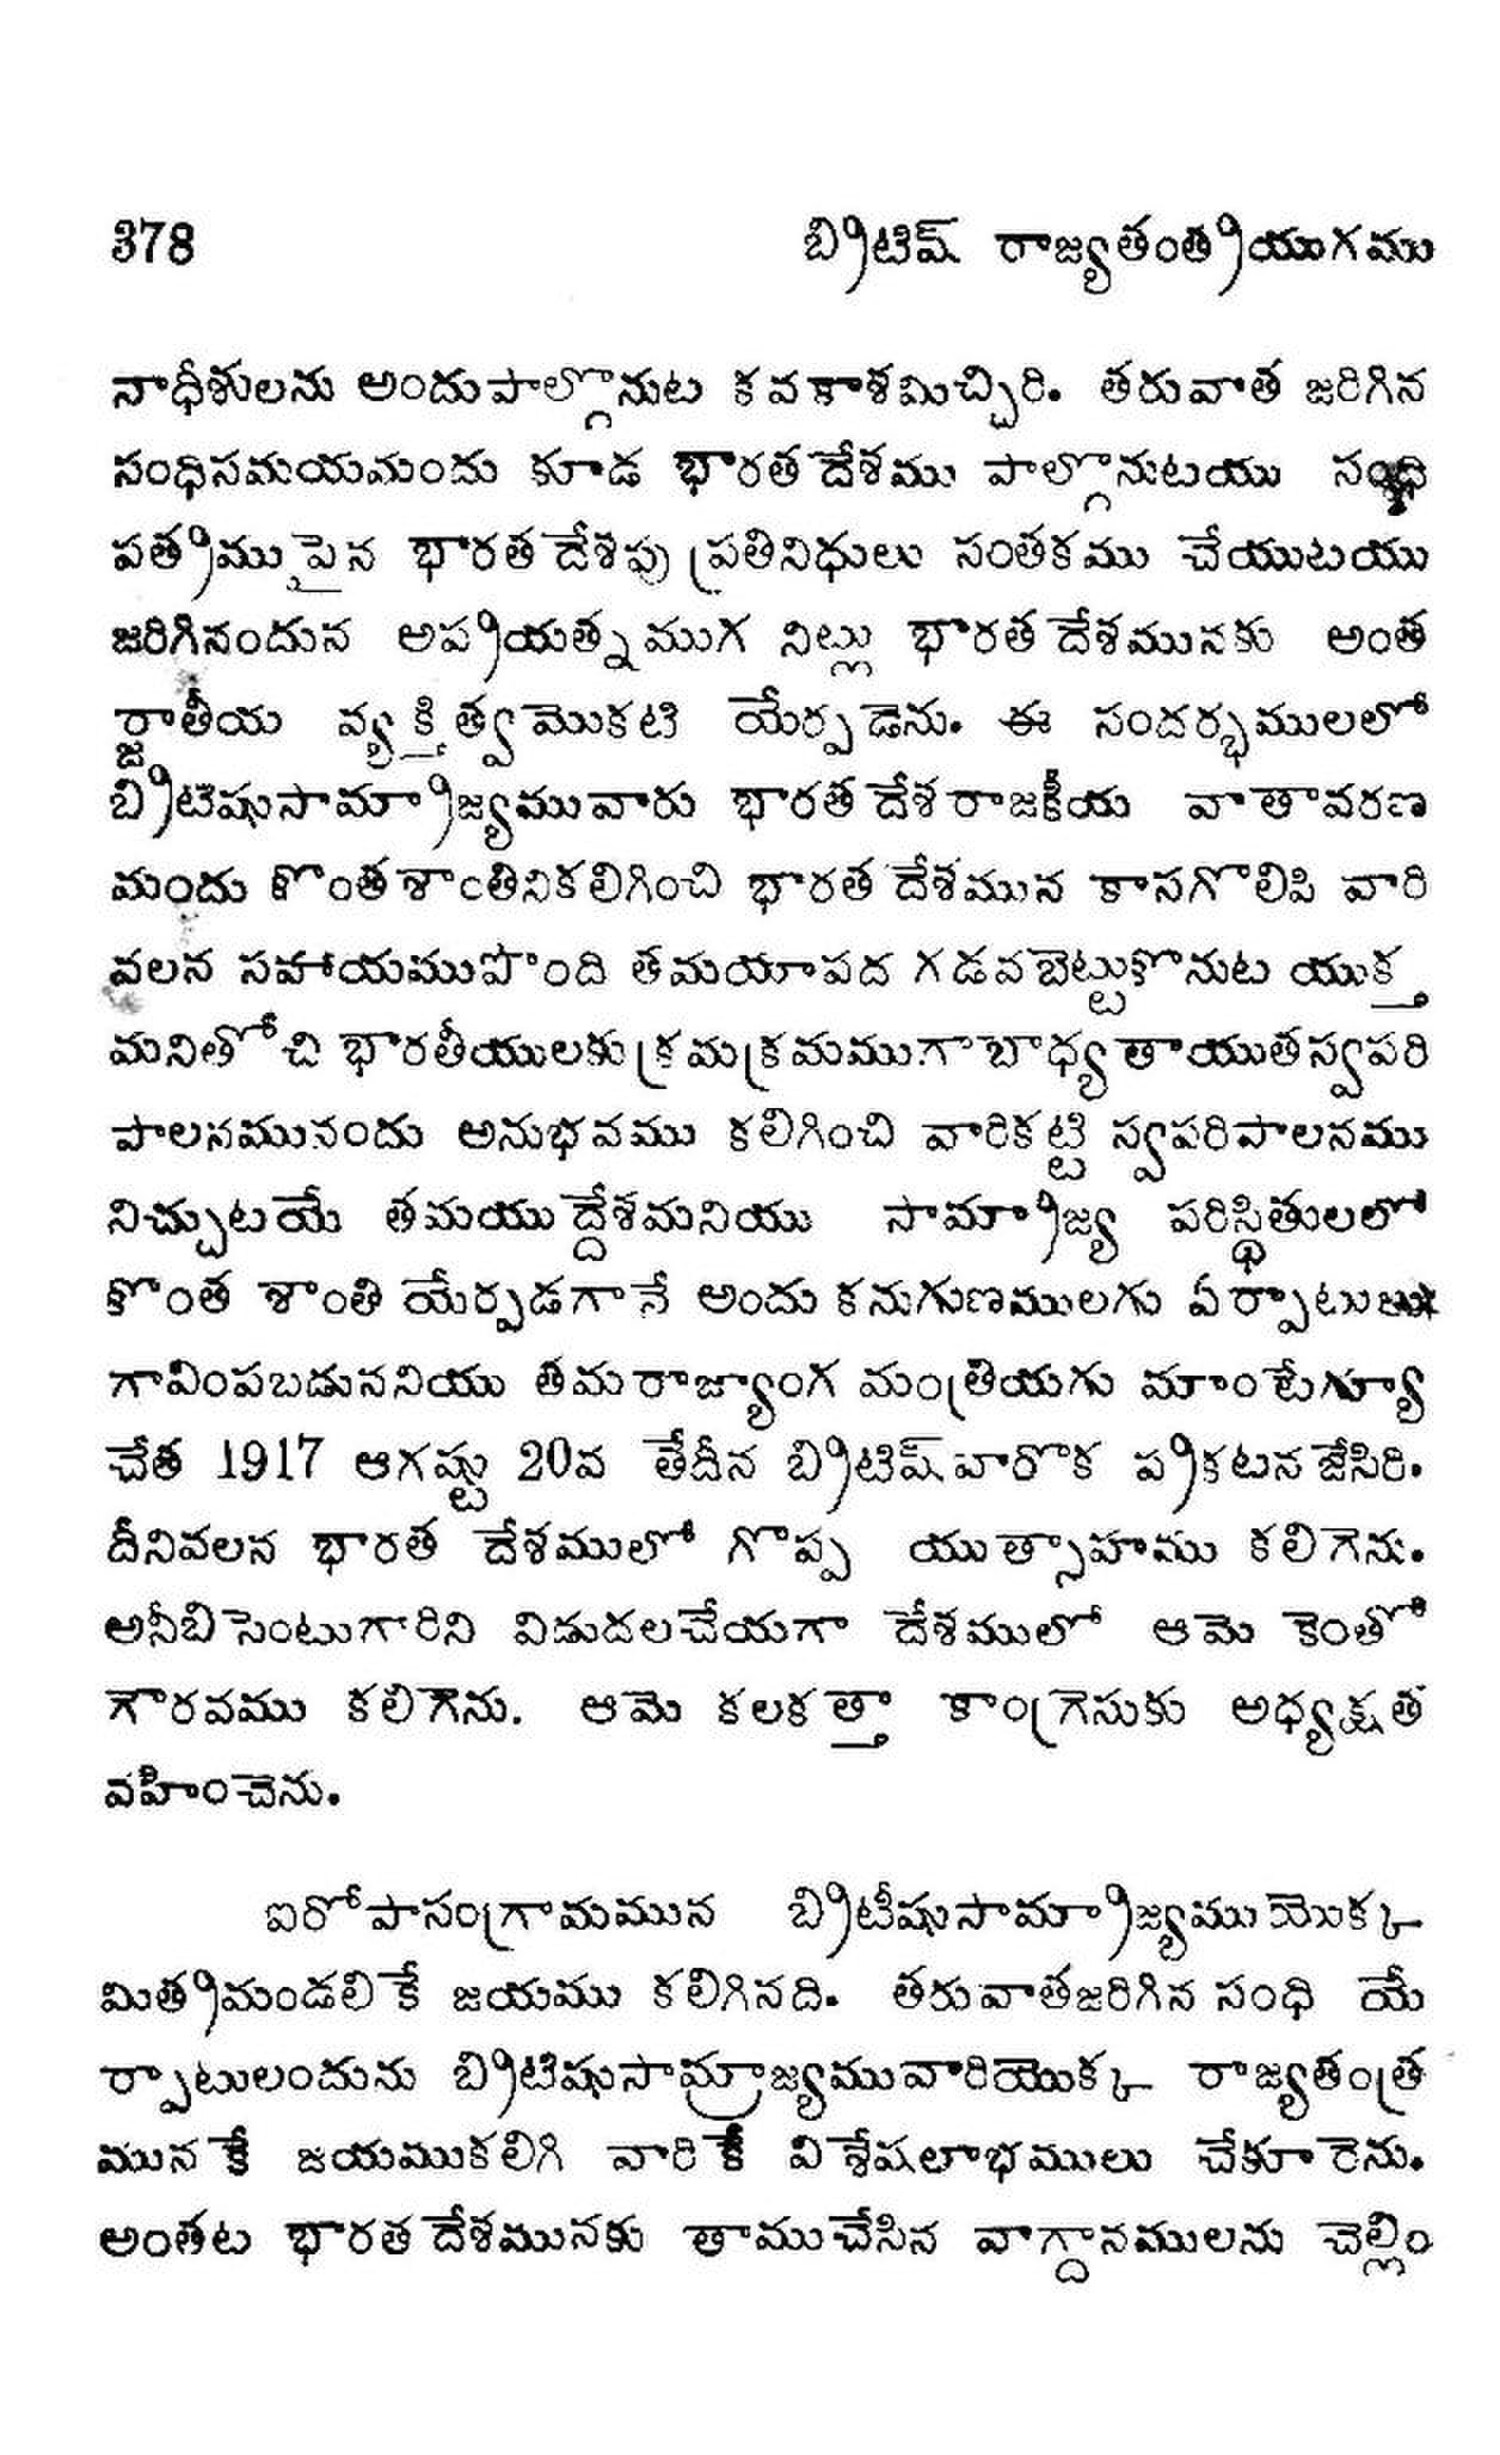నాధీశులను అందుపాల్గొనుట కవకాశమిచ్చిరి. తరువాత జరిగిన సంధిసమయమందు కూడ భారతదేశము పాల్గొనుటయు సంధిపత్రముపైన భారతదేశపు ప్రతినిధులు సంతకము చేయుటయు జరిగినందున అప్రయత్నముగ నిట్లు భారతదేశమునకు అంతర్జాతీయ వ్యక్తిత్వమొకటి యేర్పడెను. ఈ సందర్భములలో బ్రిటిషుసామ్రాజ్యమువారు భారతదేశరాజకీయ వాతావరణమందు కొంతశాంతినికలిగించి భారతదేశమున కాసగొలిపి వారివలన సహాయముపొంది తమయాపద గడవబెట్టుకొనుట యుక్తమనితోచి భారతీయులకు క్రమక్రమముగా బాధ్యతాయుత స్వపరిపాలనమునందు అనుభవము కలిగించి వారికట్టి స్వపరిపాలనము నిచ్చుటయే తమయుద్దేశమనియు సామ్రాజ్య పరిస్థితులలో కొంత శాంతి యేర్పడగానే అందు కనుగుణములగు ఏర్పాటులు గావింపబడుననియు తమరాజ్యంగ మంత్రియగు మాంటేగ్యూ చేత 1917 ఆగష్టు 20వ తేదీన బ్రిటిష్‌వారొక ప్రకటనజేసిరి. దీనివలన భారత దేశములో గొప్ప యుత్సాహము కలిగెను. అనీబిసెంటుగారిని విడుదలచేయగా దేశములో ఆమె కెంతో గౌరవము కలిగెను. ఆమె కలకత్తా కాంగ్రెసుకు అధ్యక్షత వహించెను.

ఐరోపాసంగ్రామమున బ్రిటీషుసామ్రాజ్యముయొక్క మిత్రమండలి కే జయము కలిగినది. తరువాతజరిగిన సంధి యేర్పాటులందును బ్రిటిషుసామ్రాజ్యమువారియొక్క రాజ్యతంత్రమునకే జయముకలిగి వారికే విశేషలాభములు చేకూరెను. అంతట భారతదేశమునకు తాముచేసిన వాగ్దానములను చెల్లిం